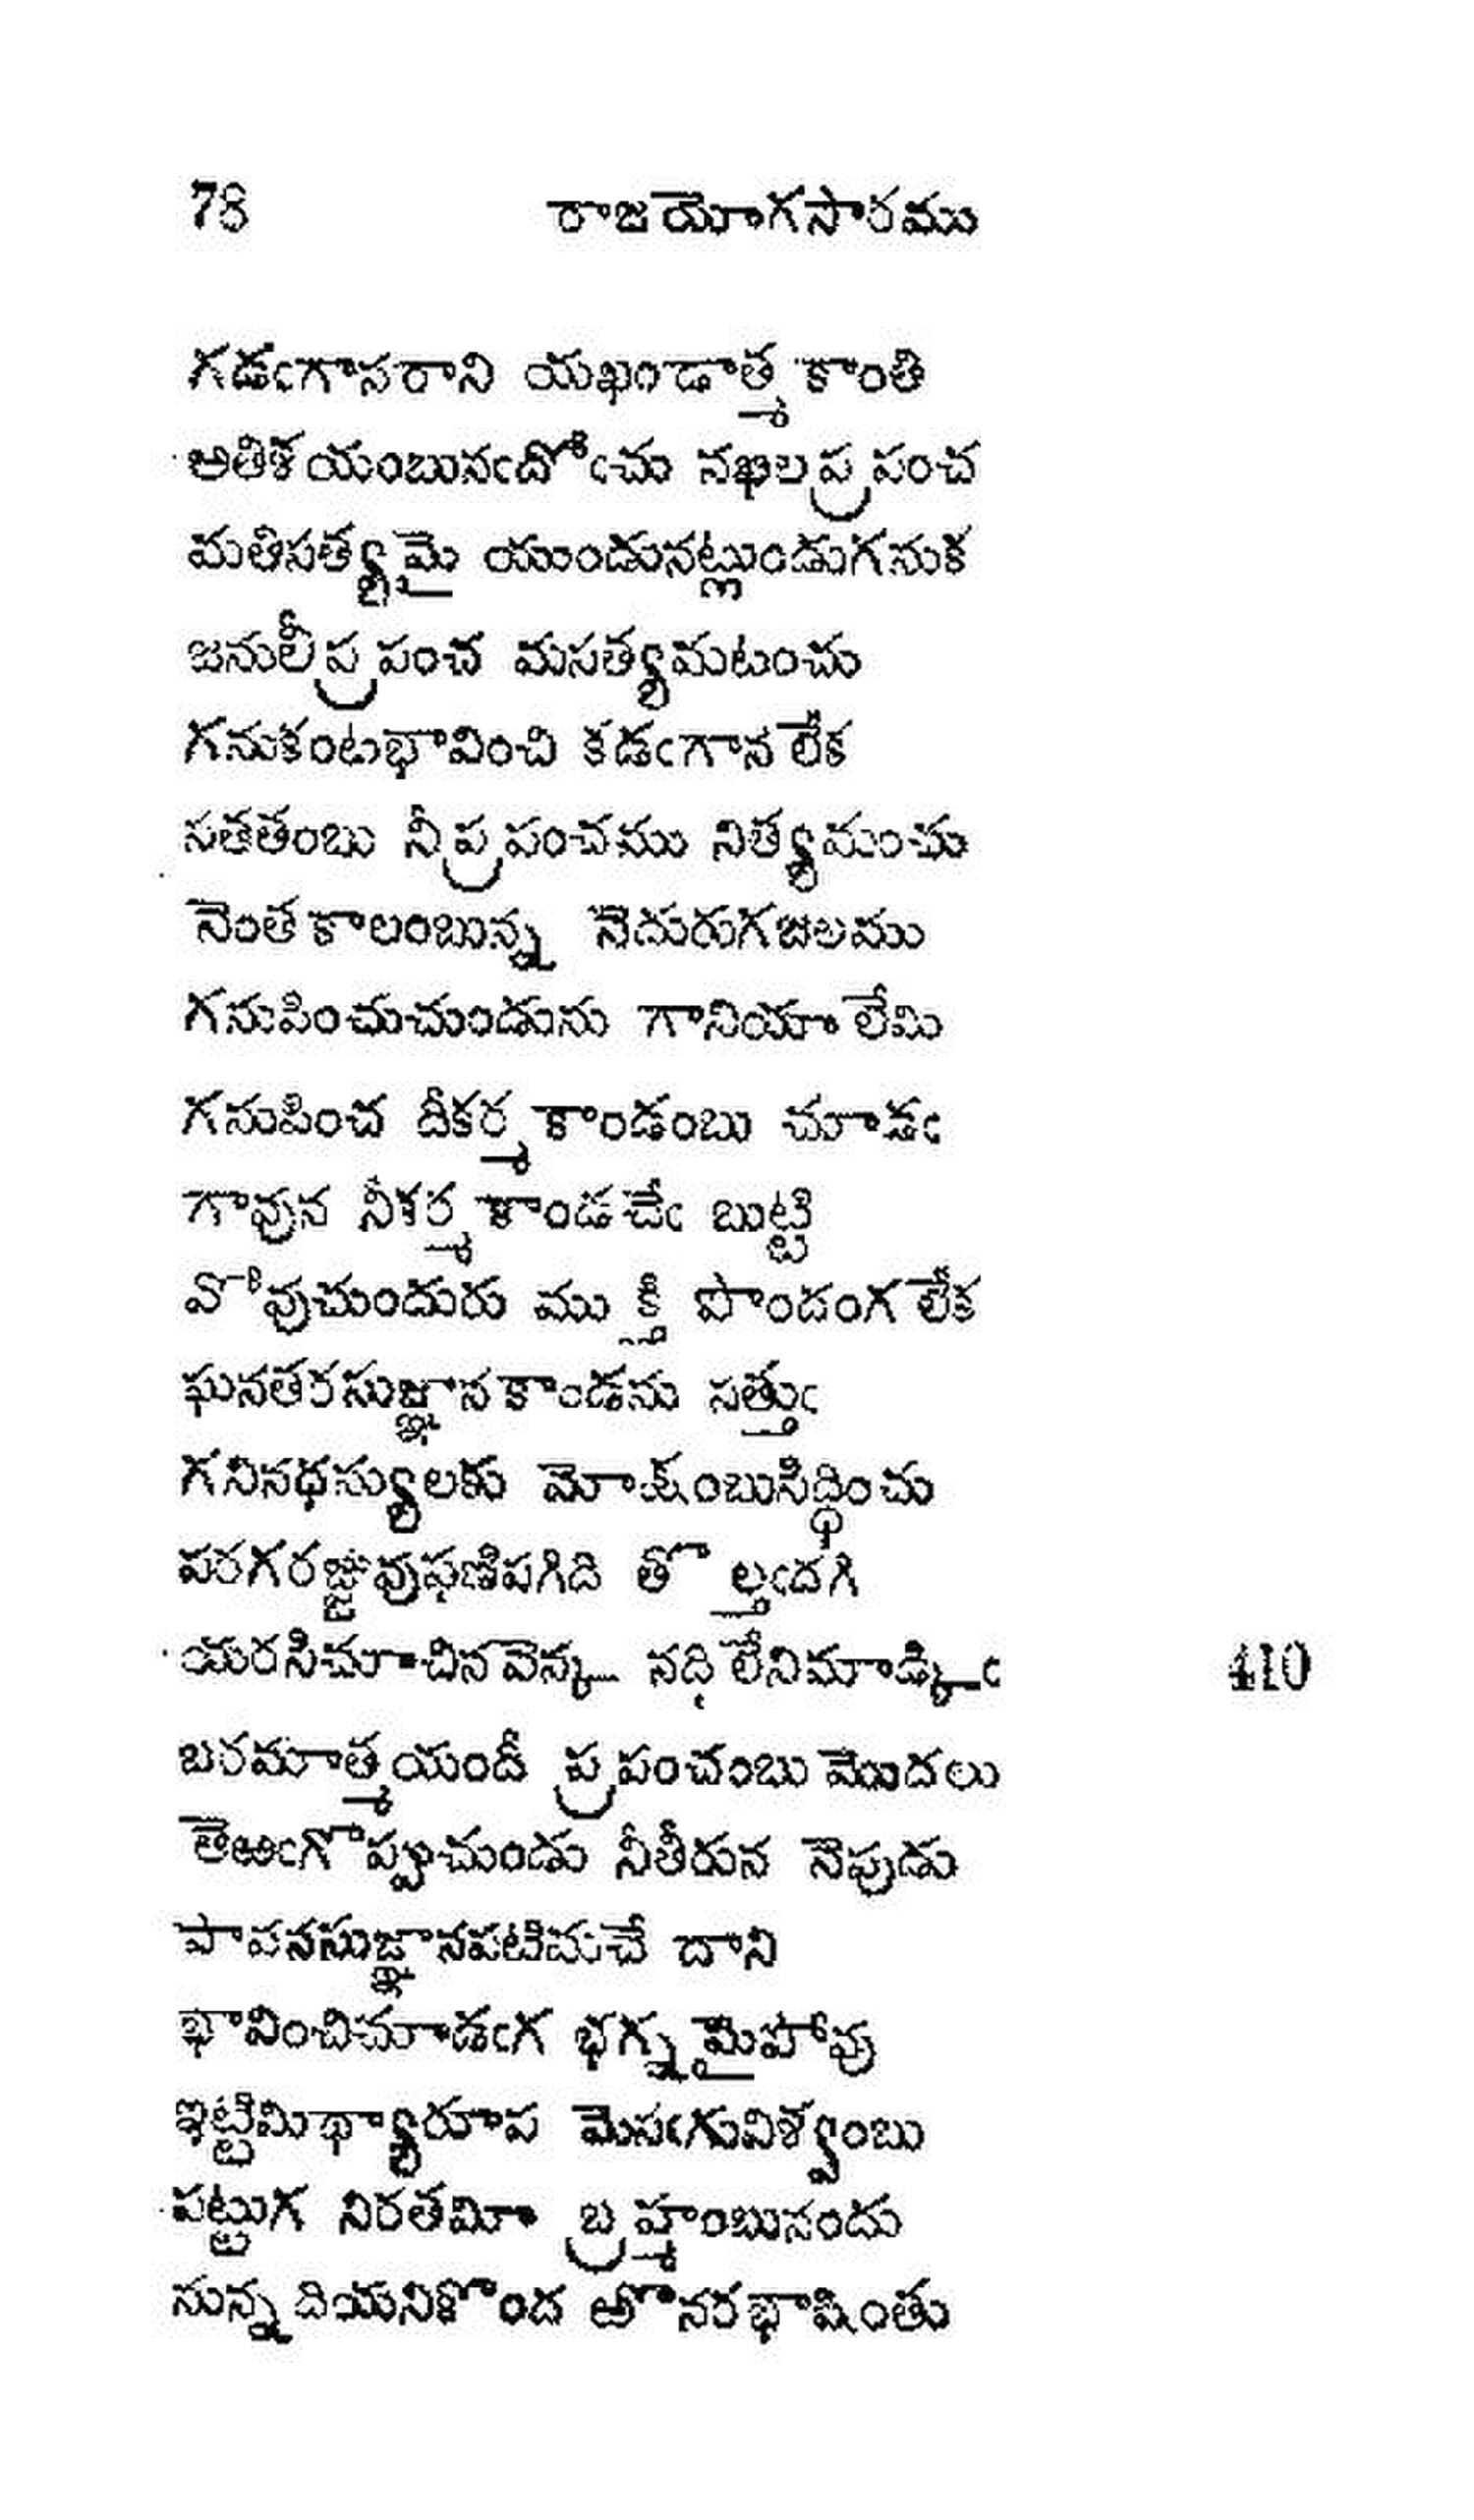గడఁగానరాని యఖండాత్మకాంతి
అతిశయంబునఁదోఁచు నఖిలప్రపంచ
మతిసత్యమై యుండునట్లుండుగనుక
జనులీప్రపంచ మసత్యమటంచు
గనుకంటభావించి కడఁగానలేక
సతతంబు నీ ప్రపంచము నిత్యమంచు
నెంతకాలంబున్న నెదురుగజలము
గనుపించుచుండును గానియాలేమి 
గనుపించ దీకర్మకాండంబు చూడఁ 
గావున నీకర్మకాండచేఁ బుట్టి
వోవుచుందురు ముక్తి పొందంగ లేక
ఘనతరసుజ్ఞానకాండను సత్తుఁ
గనినధన్యులకు మోక్షంబుసిద్ధించు
పరగరజ్జువుఫణిపగిది తొ ల్తఁదగి 
యరసిచూచినవెన్క నదిలేనిమాడ్కిఁ
బరమాత్మయం దీ ప్రపంచంబు మొదలు
తెఱుఁగొప్పుచుండు నీతీరున నెపుడు
పావనసుజ్ఞానపటిమచే దాని
భావించిచూడఁగ భగ్నమైపోవు
ఇట్టిమిథ్యారూప మెసఁగువిశ్వంబు
పట్టుగ నిరత మీ బ్రహ్మంబునందు
నున్నదియని కొంద ఱొనరభాషింతు